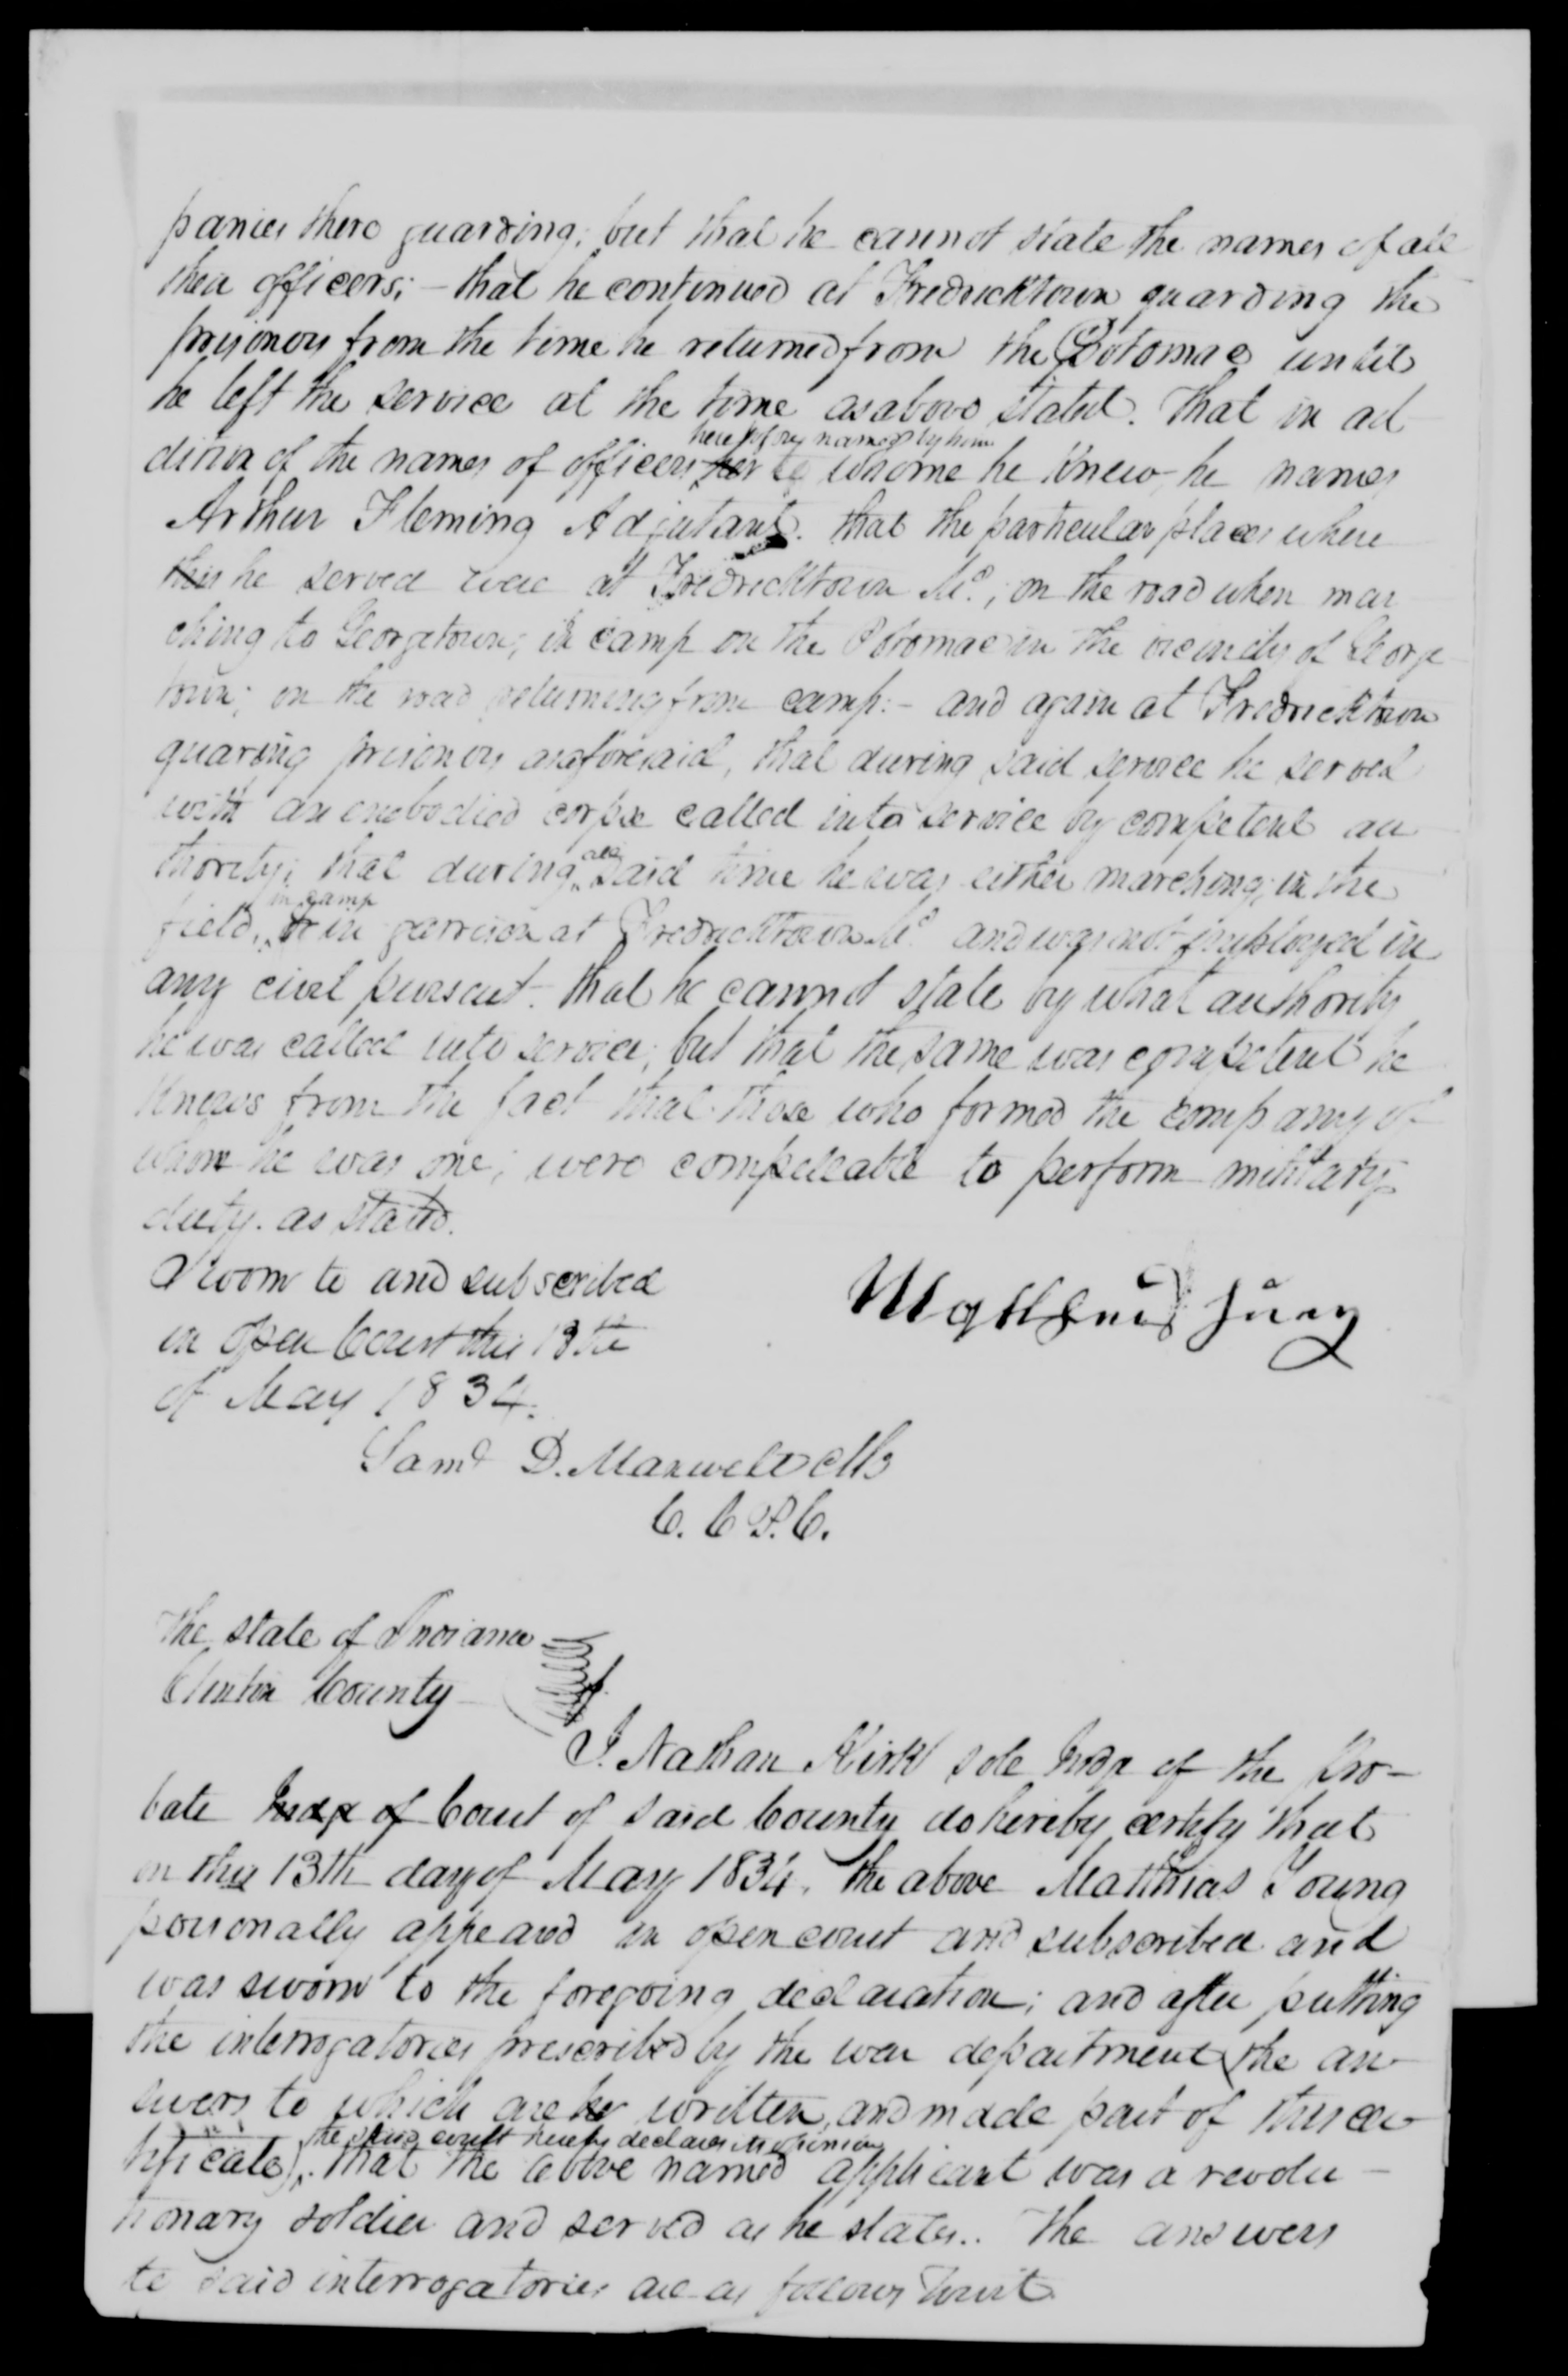companies there guarding; but that he cannot state the names of all their officers; that he continued at Fredericktown guarding the prisoners from the time he returned from the Potomac until he left the service at the time as above stated. That in addition of the names of officers heretofore named by him to whome he knew, he names
Arthur Fleming Adjutant. That the particular places where he served were at Fredricktown Md, on the road when marching to Georgetown, in camp on the Potomac, in the vicinity of Georgetown, on the road returning from Camp: and again at Frederickton
guarding prisoners as aforesaid. That during said service he served with an embodied corps called into service by competent authority, that during all said time he was either marching, in the field, in camp or in garrison at Georgetown and was not imployed in any civil pursuit. That he cannot state by what authority he was called into service, but that the same was competent he knows from the fact that those who formed the company, of whom he was one, were compellable [compelled] to perform military duty as stated.
Matthias Young
Sworn to and subscribed in Court this 13th of May 1834
Saml D. Maxwell Clk
C.C.P.C.

The State of Indiana Clinton County ss
I Nathan Fisk sole Judge of the probate
 Court of said County do hereby certify that
on the 13th day of May 1834, the above Matthias Young personally appeared in open court and subscribed and was sworn to the foregoing declaration; and after putting the interrogatories prescribed by the war department (the answers
to which are written, and made part of this certificate), the said Court hereby declares its opinion, that the above named applicant was a revolutionary soldier and served as he states. The answers to said interrogatories are as follows to wit.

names: Nathan Kirk, Arthur Fleming, Matthias Young, Saml D Maxwell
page: 9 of 123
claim: rejected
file: R. 11,949, Matthias Young, Md.